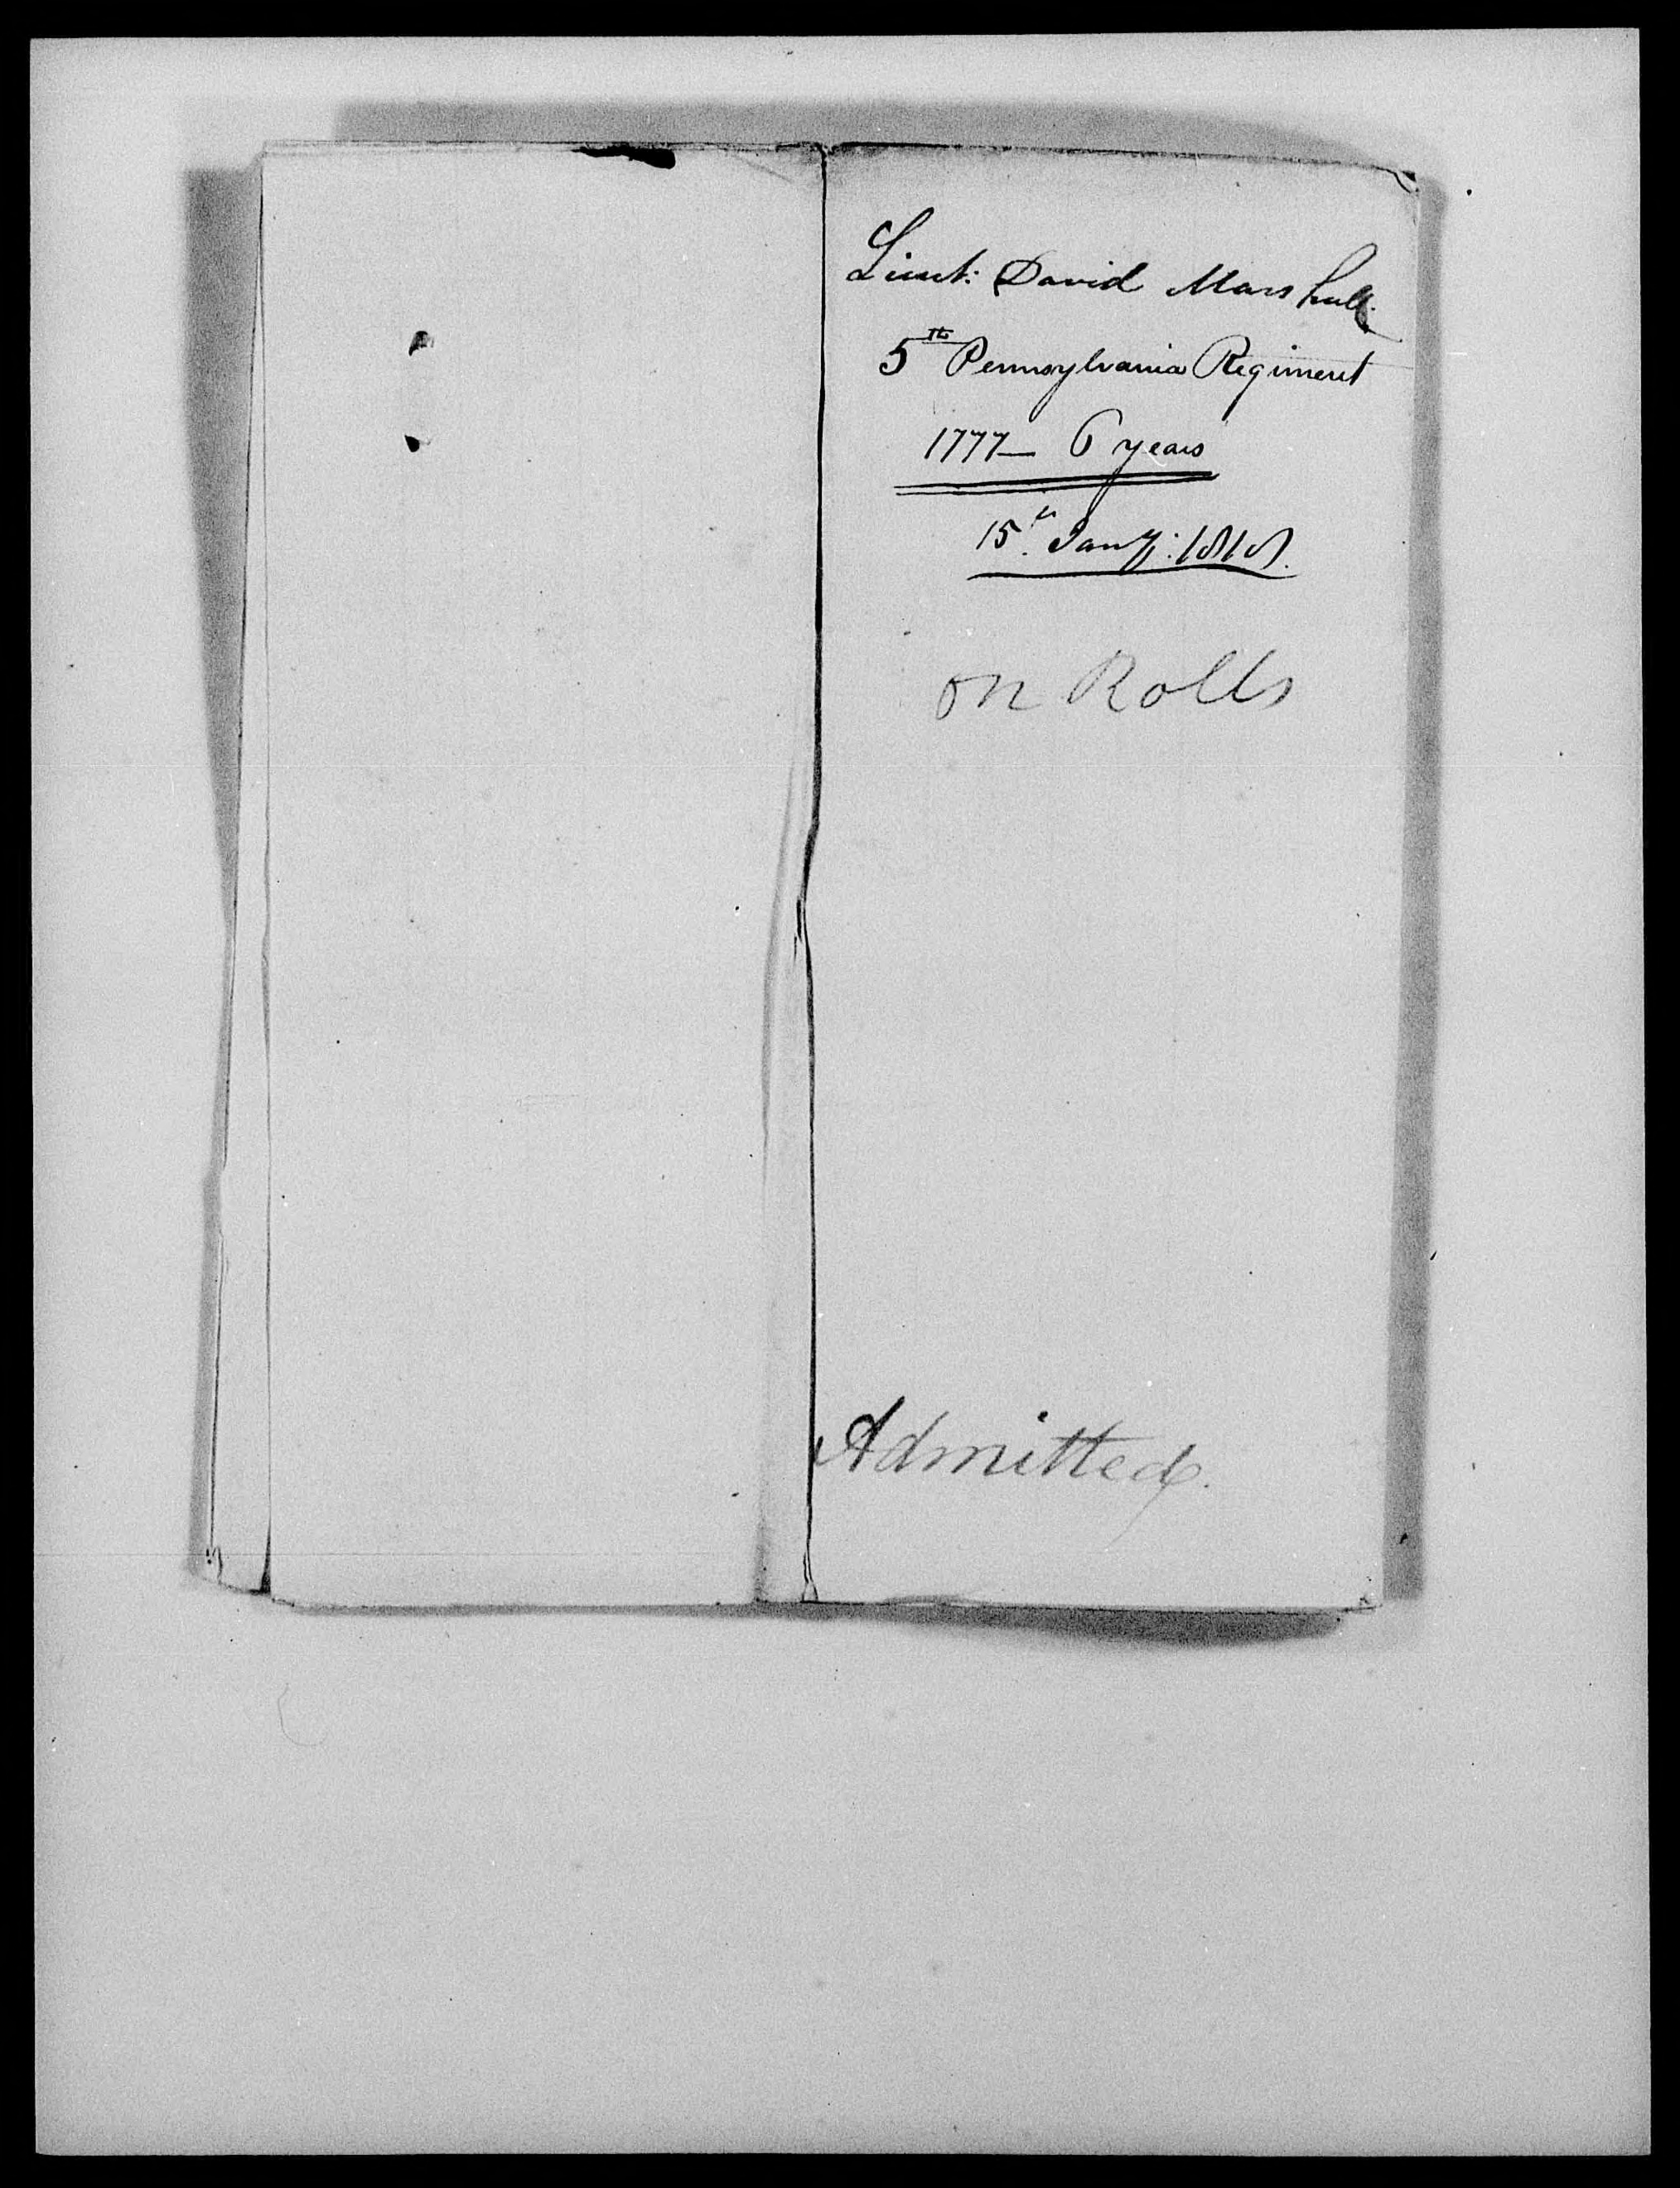Lieut: David Marshall.
5th Pennsylvania Regiment
1777 - 6 years
15th Jany: 1819

on Roll

Admitted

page: 4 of 86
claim: widow's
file: W. 3571, for David Marshall, Pennsylvania